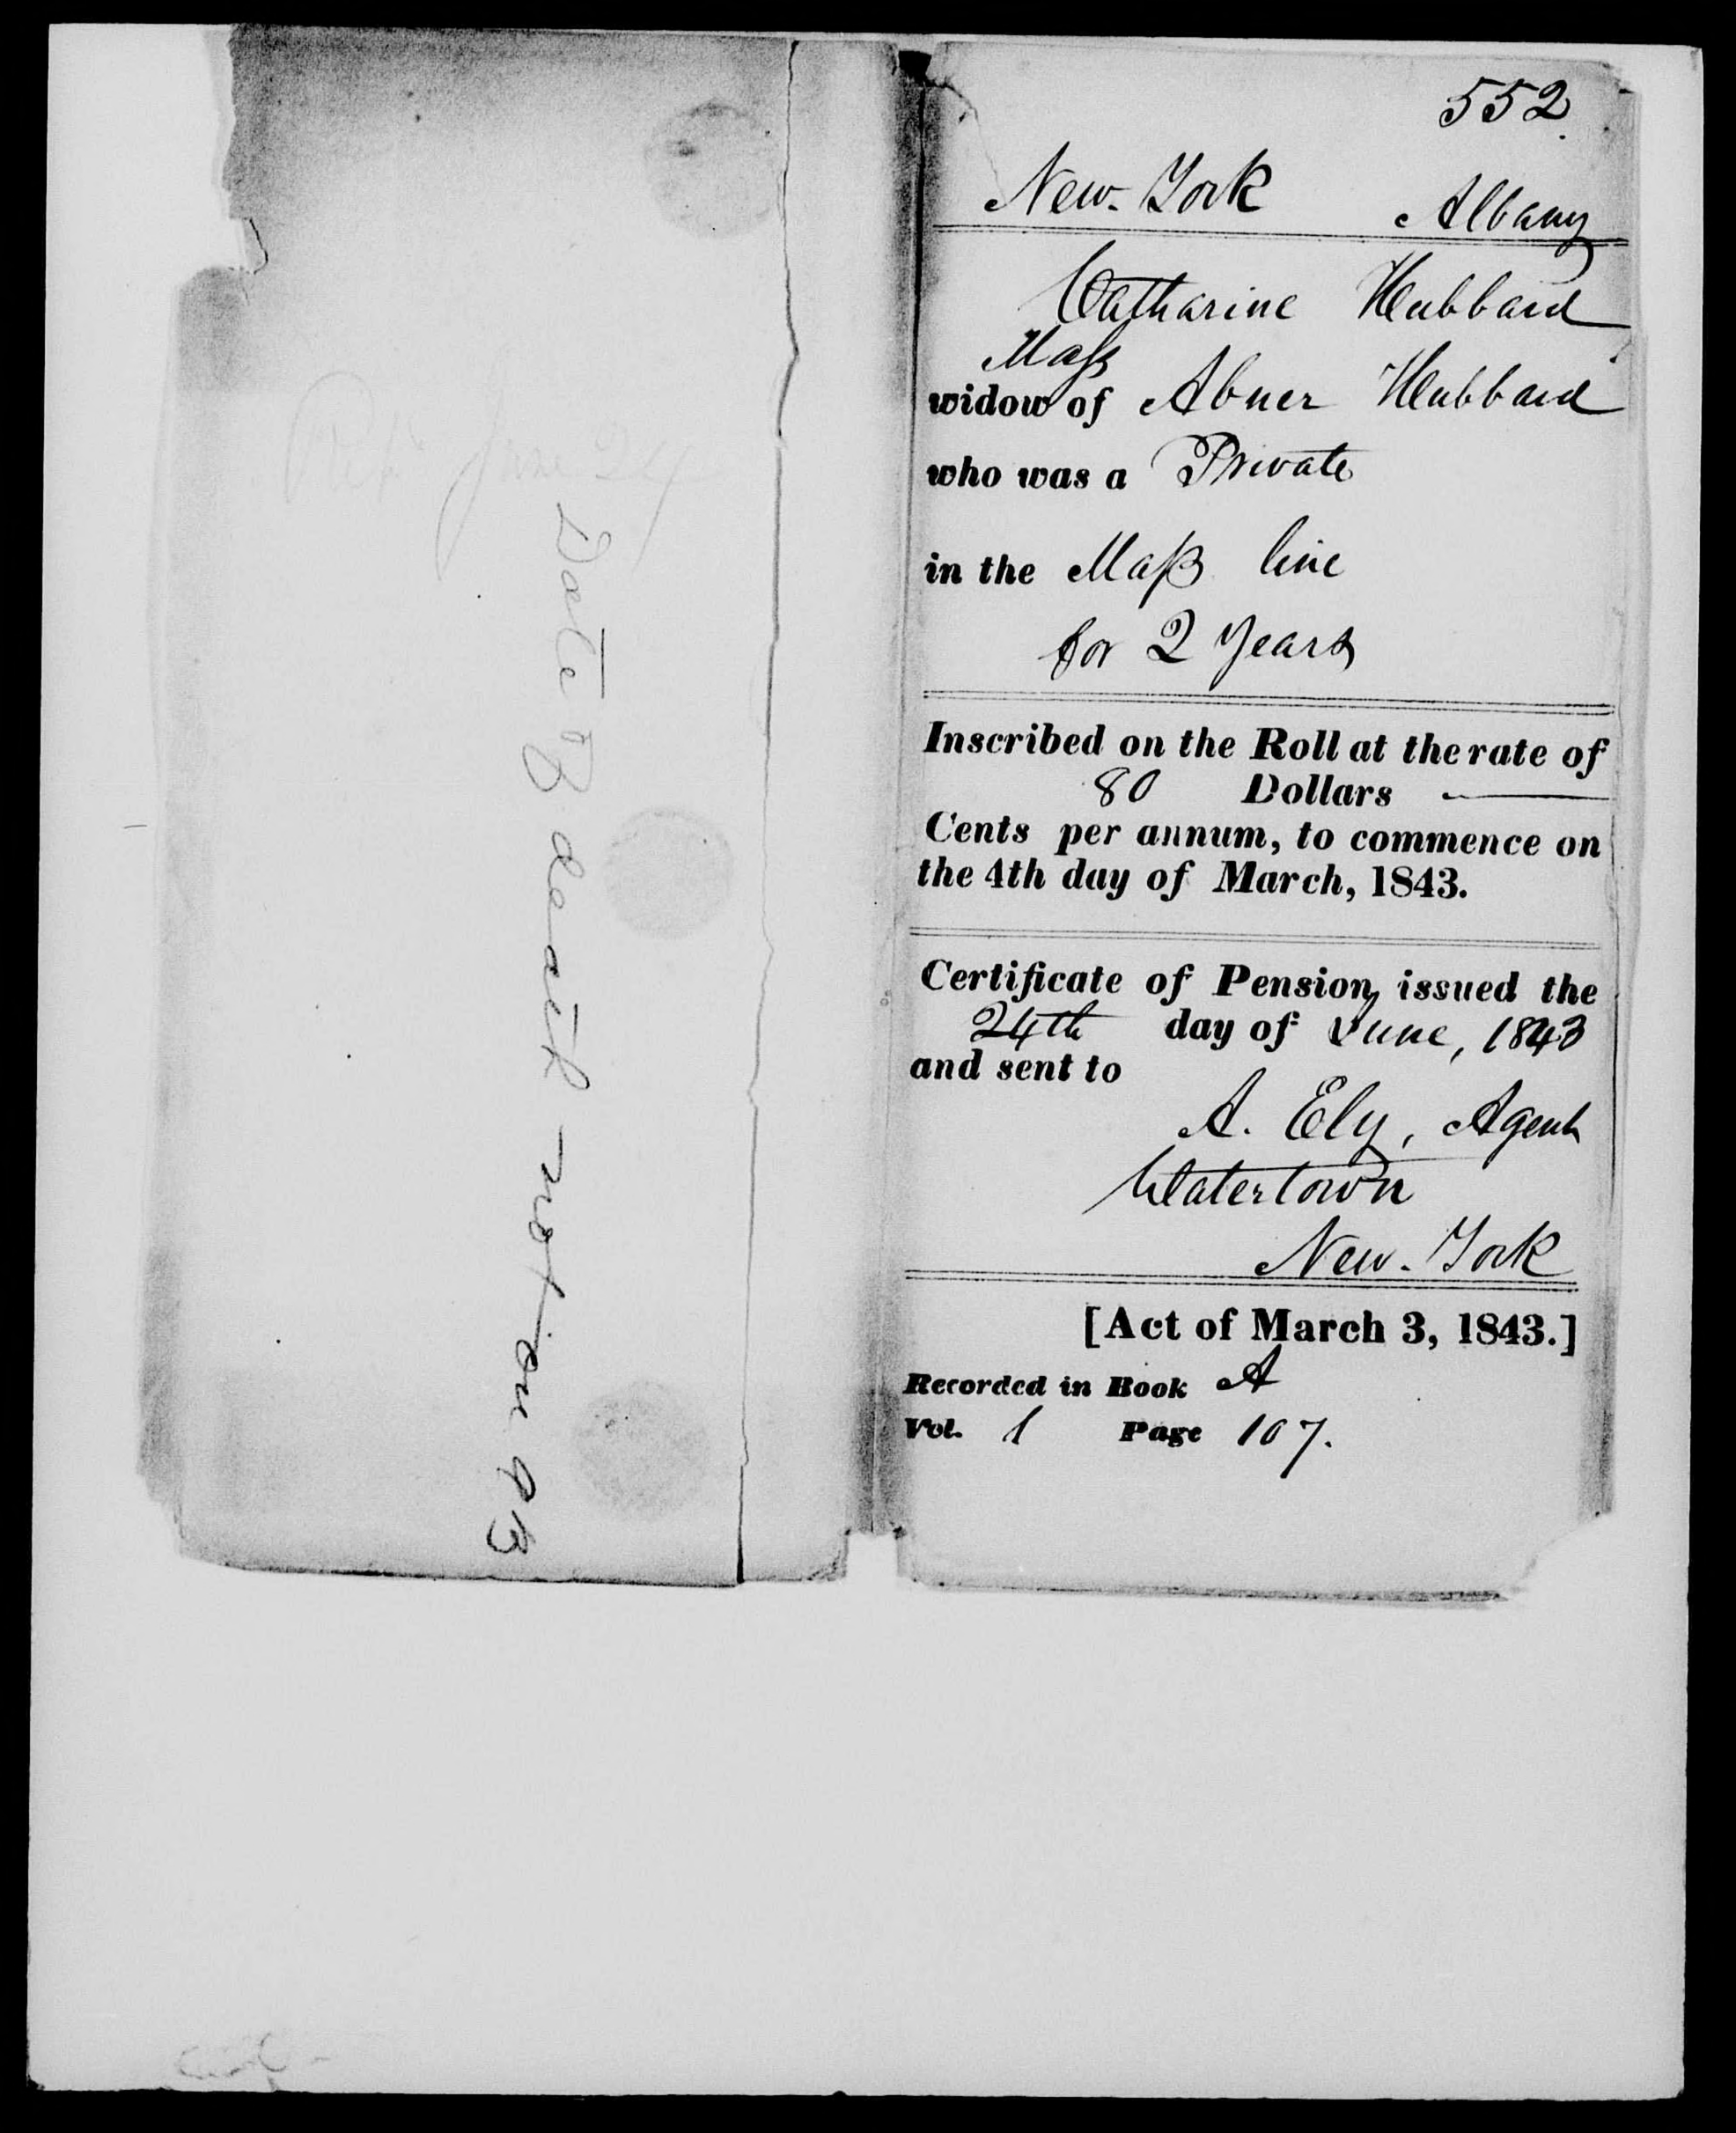552
New York Albany
Catharine Hubbard
widow of Abner Hubbard
who was a Private
in the Map line
for 2 years
Inscribed on the Roll at the rate of
80 Dollars -
Cents per annum, to commence on
the 4th day of March, 1843.

Certificate of Pension issued the
24th day of June, 1843
and sent to
A Ely, Adent
Watertown
New York
Act of March 3, 1843.
Recorded in Book A
Vol 1 Page 107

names: Abner Hubbard, Catharine Hubbard, A Ely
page: 11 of 38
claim: widow's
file: W. 23,381, Abner Hubbard, Continental Mass.